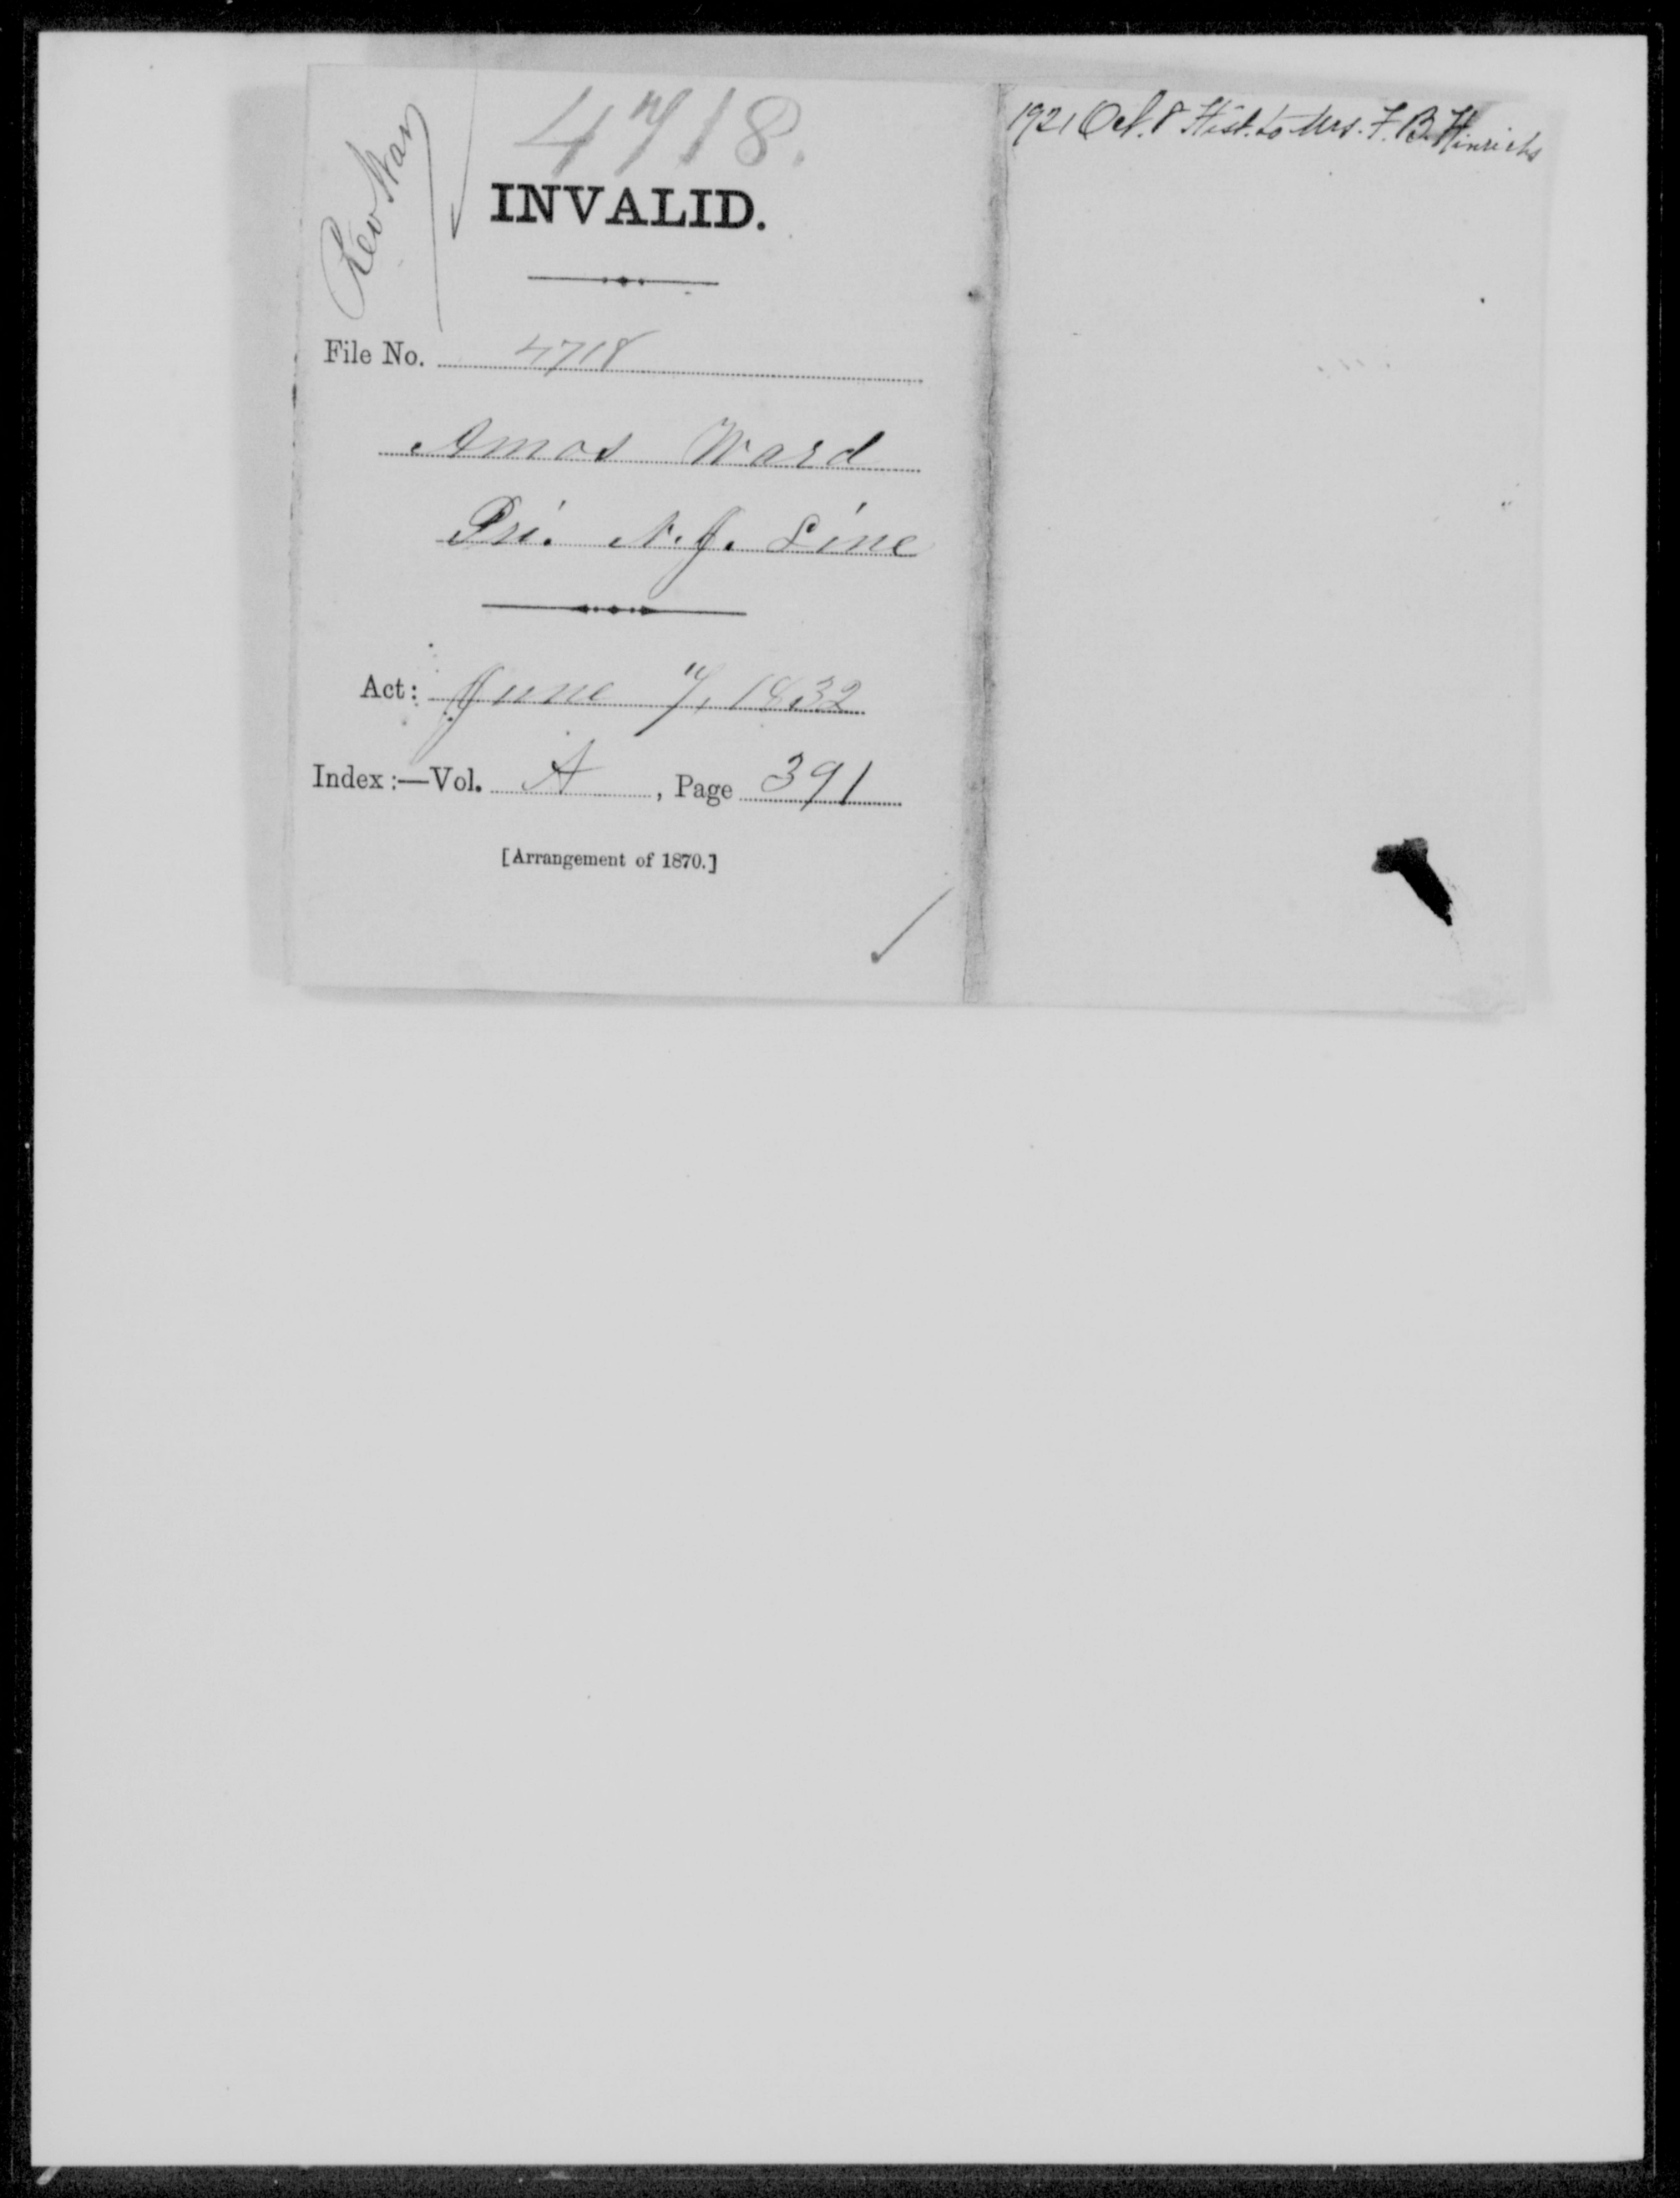4718.
Rev War
INVALID.

File No.  4718
Amos Ward
Pri.  N.J. Line

Act :  June 7, 1832

Index : -- Vol.  A, Page  391

[Arrangement of 1870.]


1921 Oct. 8 Hist. to Mrs. F.B. Hinricks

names: F B Hinrichs, Amos Ward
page: 18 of 18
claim: survivor's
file: S. 4718, Amos Ward, New Jersey